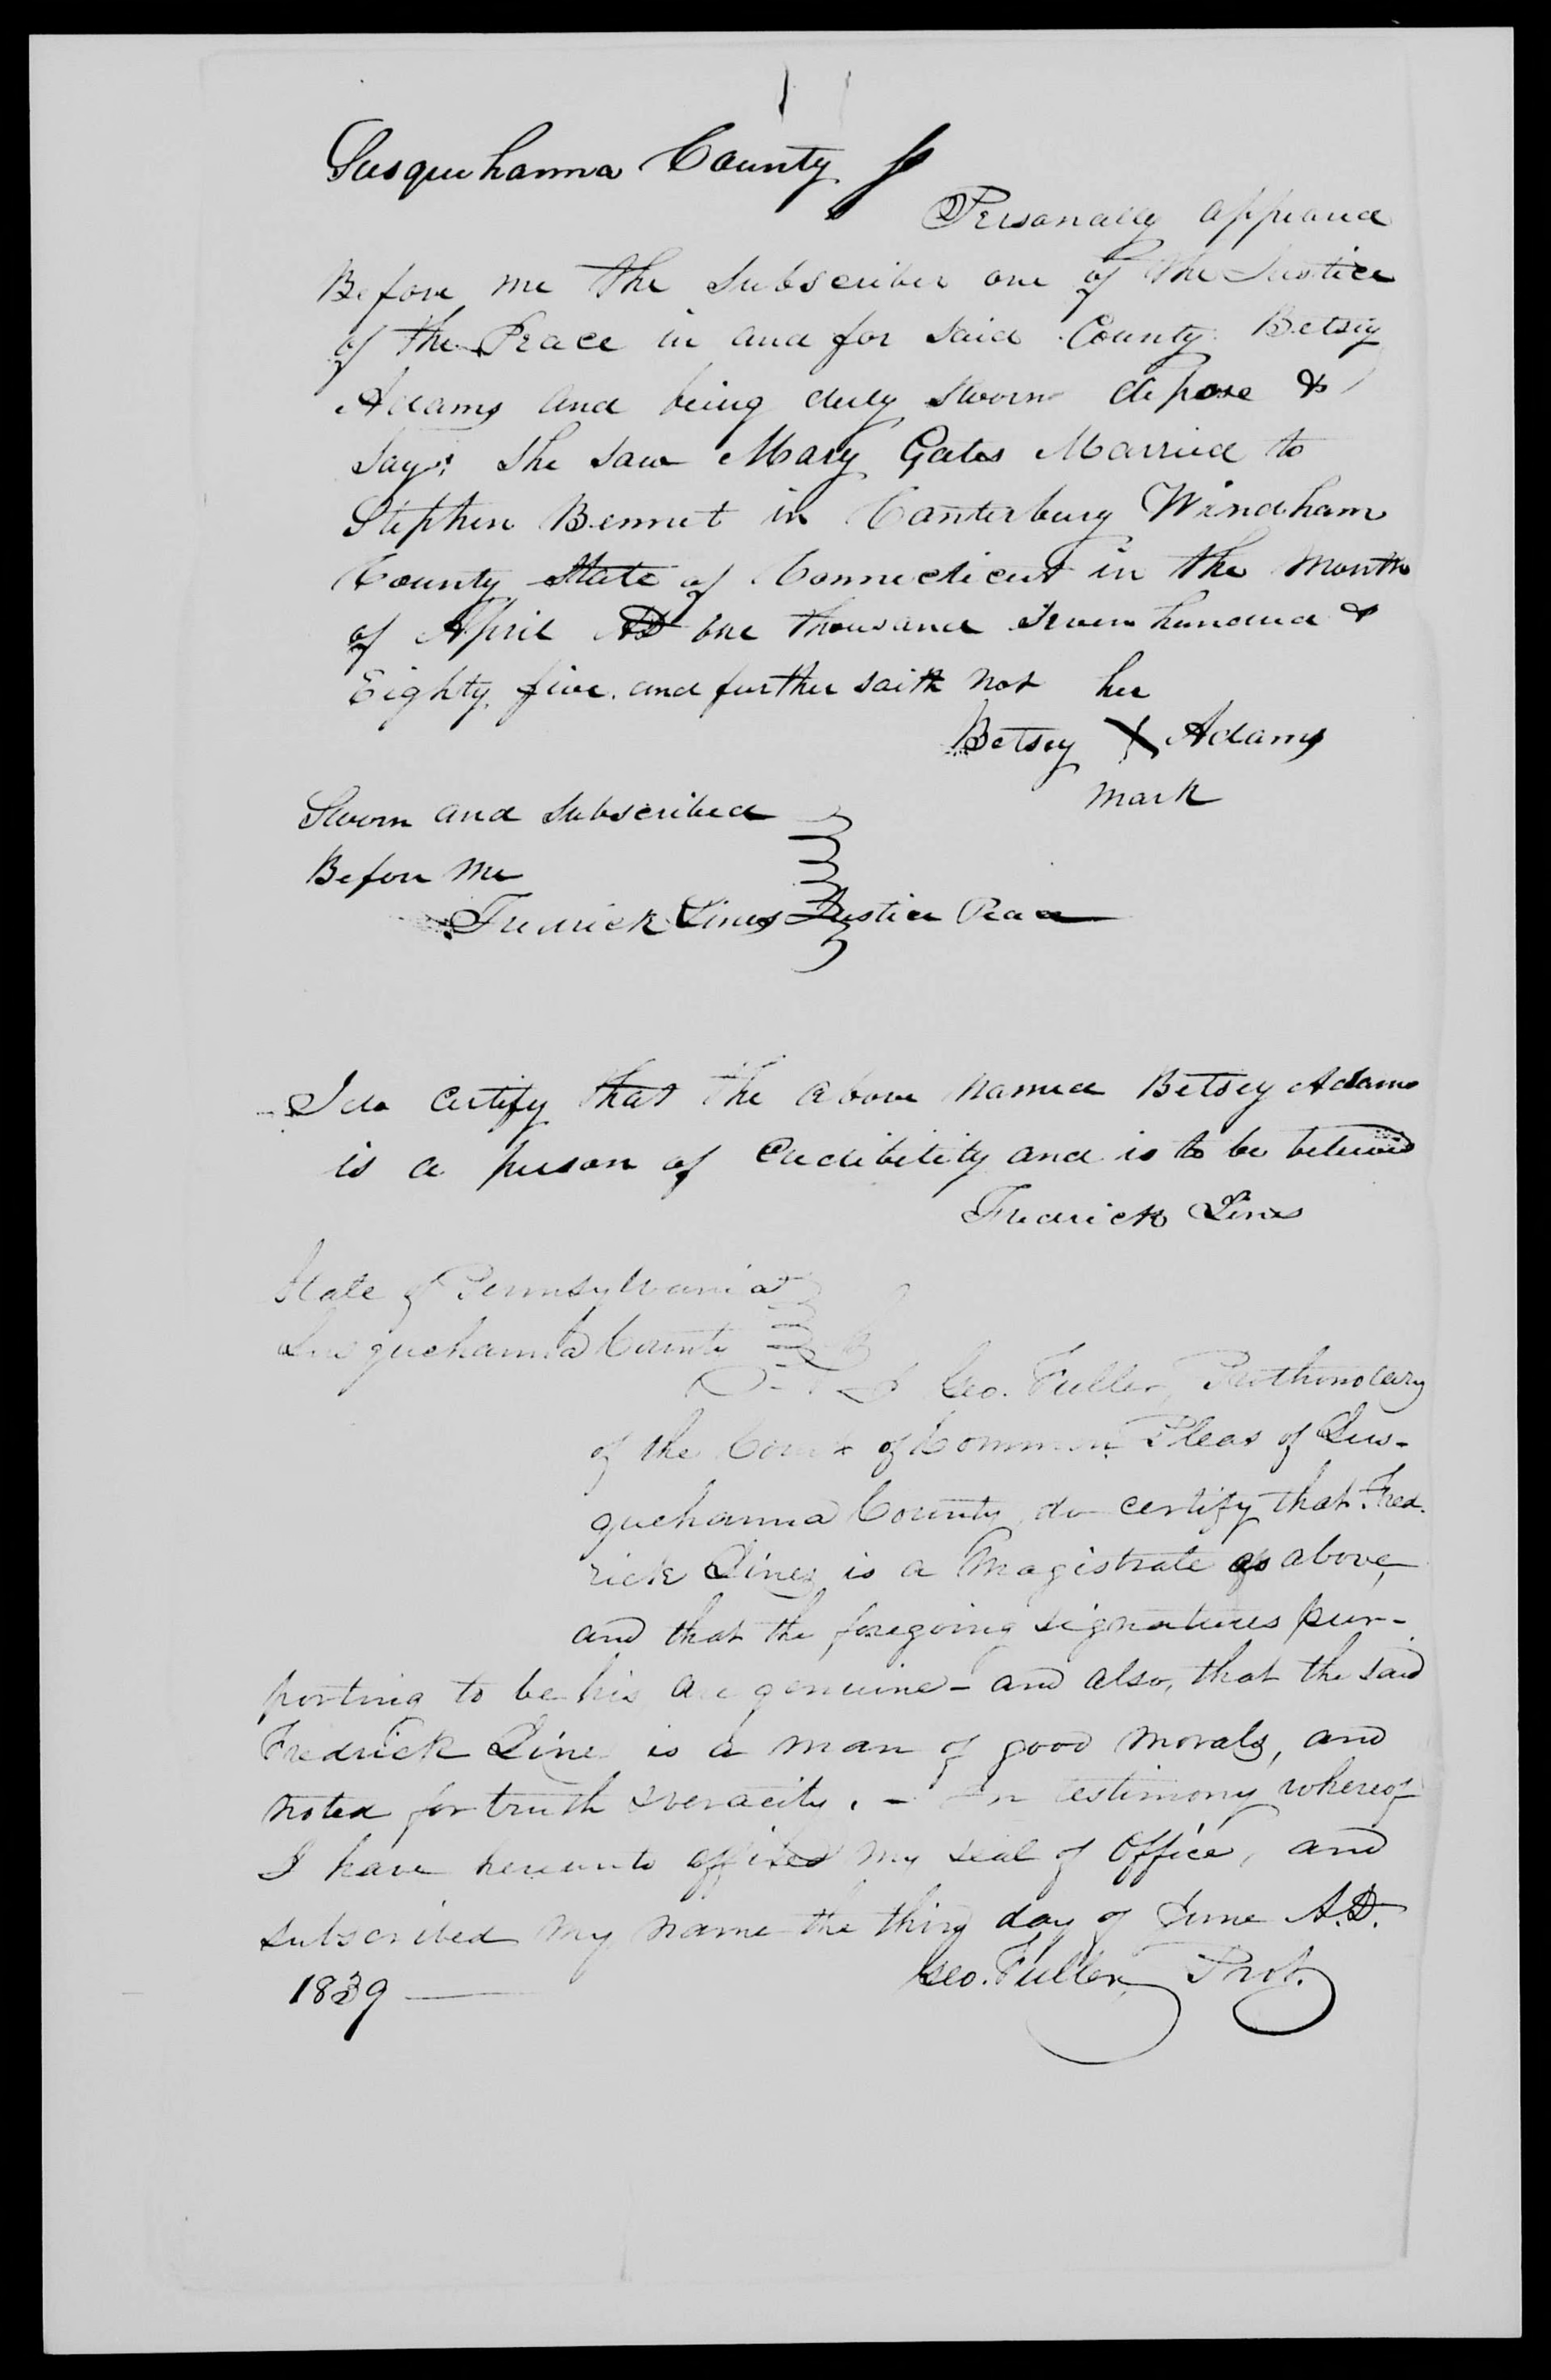Susquehanna County
Personally appeared before me the Subscriber one of the Justice of the Peace in and for said County Betsey Adams and being duly sworn deposes and says she saw Mary Gates married to Stephen Bennet in Canterbury Windham County State of Connecticut in the month of April A.D. one thousand seven hundred & Eighty five and further saith not. 
Betsey X Adams her mark
Sworn and Subscribed before me 
Frederick Lines
Justice of Peace

I do certify that the above named Betsey Adams is a person of credibility and is to be believed.
Frederick Lines

State of Pennsyulvania
Susquehanna County

I Geo. Fuller, Prothonotary of the Court of Common Pleas of Susquehanna County do certify that the Fredrick Lines is a Magistrate as above and that the foregoing signatures purporting to be his are genuine -- and also, that the said Fredrick Lines is a man of good morals, and noted for truth & veracity. In testimony where of I have herunto affixed my seal of office and subscribed my name tois day of June 1839. 
Geo. Fuller Prot.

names: Geo Tuller, Betsey Adams, Geo Tuller, Fredrick Lines, Stephen Bennet, Mary Gates, Betsey Adams, Betsey Adams, Fredrick Lines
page: 29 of 79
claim: widow's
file: W. 2,906, Stephen Bennet, Conn.